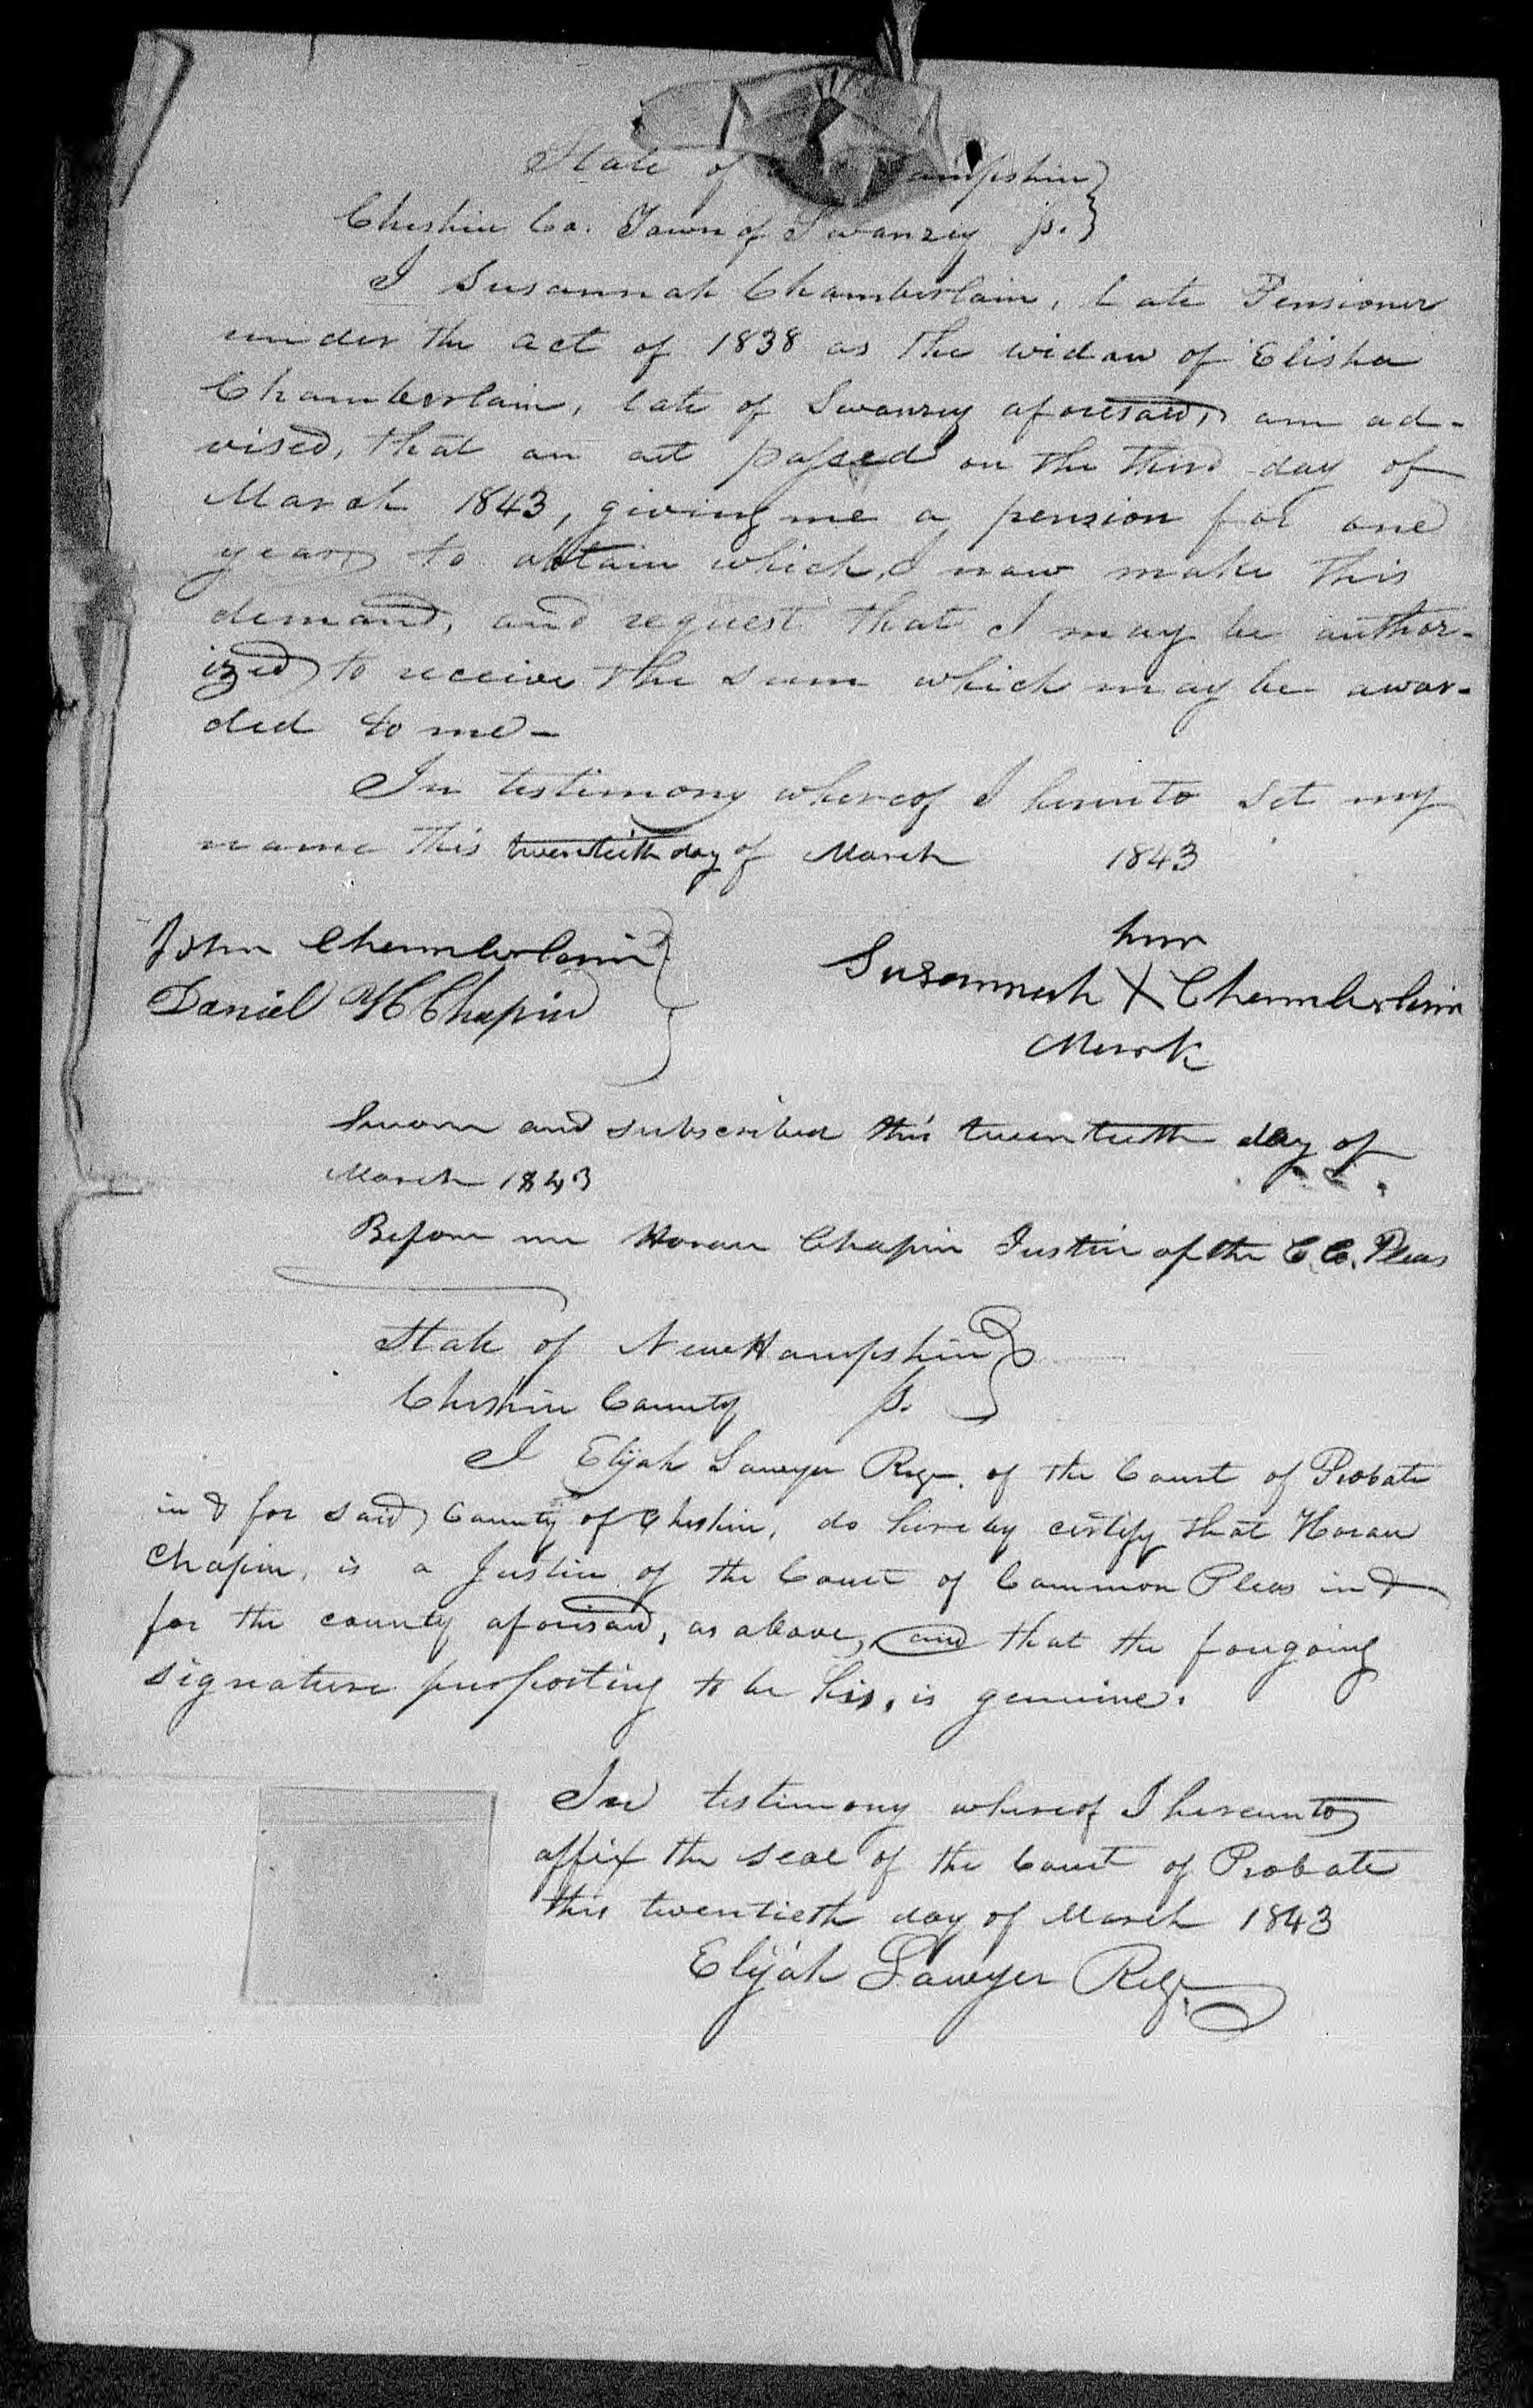State of New Hampshire                )
Cheshire Co. Town of Swanzey  fs. )

I Susannah Chamberlain, Late Pensioner under the Act of 1838 as the widow of Elisha Chamberlain, late of Swanzey aforesaid, am advised that an act pafsed on the third day of March 1843, giving me a pension for one year to obtain which, I now make this demand, and request that I may be authorized to receive the same which may be awarded to me.--

In testimony whereof I hereunto set my name this twentieth day of March 1843
Susannah  X her mark  Chamberlain

John Chamberlain     )
Daniel H Chapin        )

Sworn and subscribed this twentieth day of March 1843
Before me  Horan Chapin Justice of the C.Co. Pleas

State of New Hampshire   )
Cheshire County   fs.         )

I Elijah Sawyer Reg'r of the Court of Probate in & for said County of Cheshire, do hereby certify that Horan Chapin is a Justice of the Court of Common Pleas in & for the county aforesaid, as above, and that the foregoing signature purporting to be his, is genuine.

In testimony whereof I hereunto affix the seal of the Court of Probate this twentieth day of March 1843
Elijah Sawyer Reg'r.

[illegible seal affixed to the left of the above paragraph]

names: John Chamberlain, Elijah Sawyer, Horan Chapin, Elisha Chamberlain, Susannah Chamberlain, Susannah Chamberlain, Daniel H Chapin, Elijah Sawyer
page: 15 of 24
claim: rejected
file: R. 1835, Elisha Chamberlain, Mass.